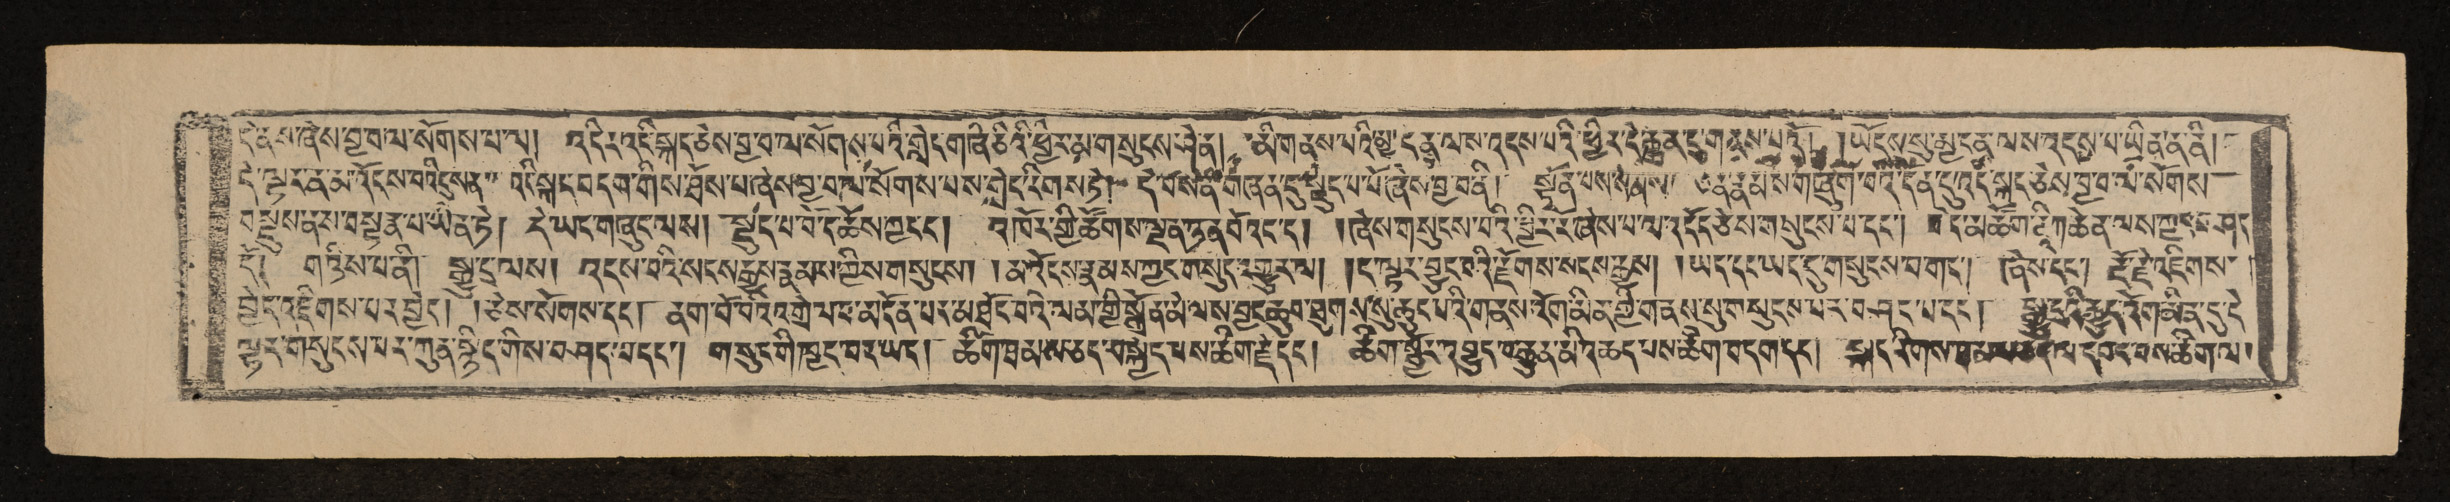དེ་ནས་ཞེས་བྱ་བ་ལ་སོགས་པ་ལ། འདིར་འདི་སྐད་ཅེས་བྱ་བ་ལ་སོགས་པའི་གླེང་གཞི་ཅིའི་ཕྱིར་མ་གསུངས་ཤེ་ན། མི་གནས་པའི་མྱ་ངན་ལས་འདས་པའི་ཕྱིར་དེ་རྒྱུན་དུ་གནས་པའོ། །ཡོངས་སུ་མྱ་ངན་ལས་འདས་པ་ཡིན་ན་ནི།
དེ་ལྟར་ན་མ་འོངས་པའི་དུས་ན་འདི་སྐད་བདག་གིས་ཐོས་པ་ཞེས་བྱ་བ་ལ་སོགས་པས་གླེང་རིགས་ཏེ། དེ་བས་ན་གཞན་དུ་སྡུད་པ་པོ་ཞེས་བྱ་བ་ནི། སྟོན་པས་སེམས་ཅན་རྣམས་གཞུག་པའི་དོན་དུ་འདི་སྐད་ཅེས་བྱ་བ་ལ་སོགས་
བསྡུས་ནས་བསྟན་པ་ཡིན་ཏེ། དེ་ཡང་གཞུང་ལས། སྡུད་པ་པོ་ང་ཆོས་ཀྱང་ང་། །འཁོར་གྱི་ཚོགས་ལྡན་ཉན་པོའང་ང་། །ཞེས་གསུངས་པའི་ཕྱིར་རོ་ཞེས་པ་ལ་འདོད་ཅེས་གསུངས་པ་དང་། བདེ་མཆོག་ཊཱིཀ་ཆེན་ལས་ཀྱང་བཤད་
དོ༑ ༑གཉིས་པ་ནི། སྒྱུ་དྲ་ལས། འདས་པའི་སངས་རྒྱས་རྣམས་ཀྱིས་གསུངས། །མ་འོངས་རྣམས་ཀྱང་གསུང་འགྱུར་ལ། །དེ་ལྟར་བྱུང་བའི་རྫོགས་སངས་རྒྱས། །ཡང་དང་ཡང་དུ་གསུངས་པ་གང་། །ཞེས་དང་། རྡོ་རྗེ་འཇིགས་
བྱེད་འཇིགས་པར་བྱེད། །ཅེས་སོགས་དང་། ནག་པོ་པའི་འགྲེལ་པ་མངོན་པར་མཐོང་བའི་ལམ་གྱི་སྒྲོན་མེ་ལས་བྱང་ཆུབ་ཐུགས་སུ་ཆུད་པའི་གནས་འོག་མིན་གྱི་གནས་སུ་གསུངས་པར་བཤད་པ་དང་། སྒྱུ་དྲའི་རྒྱུད་འོག་མིན་དུ་དེ་
ལྟར་གསུངས་པར་ཀུན་སྙིང་གིས་བཤད་པ་དང་། གསུང་གི་ཁྱད་པར་ཡང་། ཚིག་ཐམས་ཅད་བསྐྱེད་པས་ཚིག་རྗེ་དང་། ཚིག་སྦྱོར་འབྱུང་བ་རྒྱུན་མི་འཆད་པས་ཚིག་བདག་དང་། སྐད་རིགས་ཐམས་ཅད་ལ་དབང་བས་ཚིག་ལ་